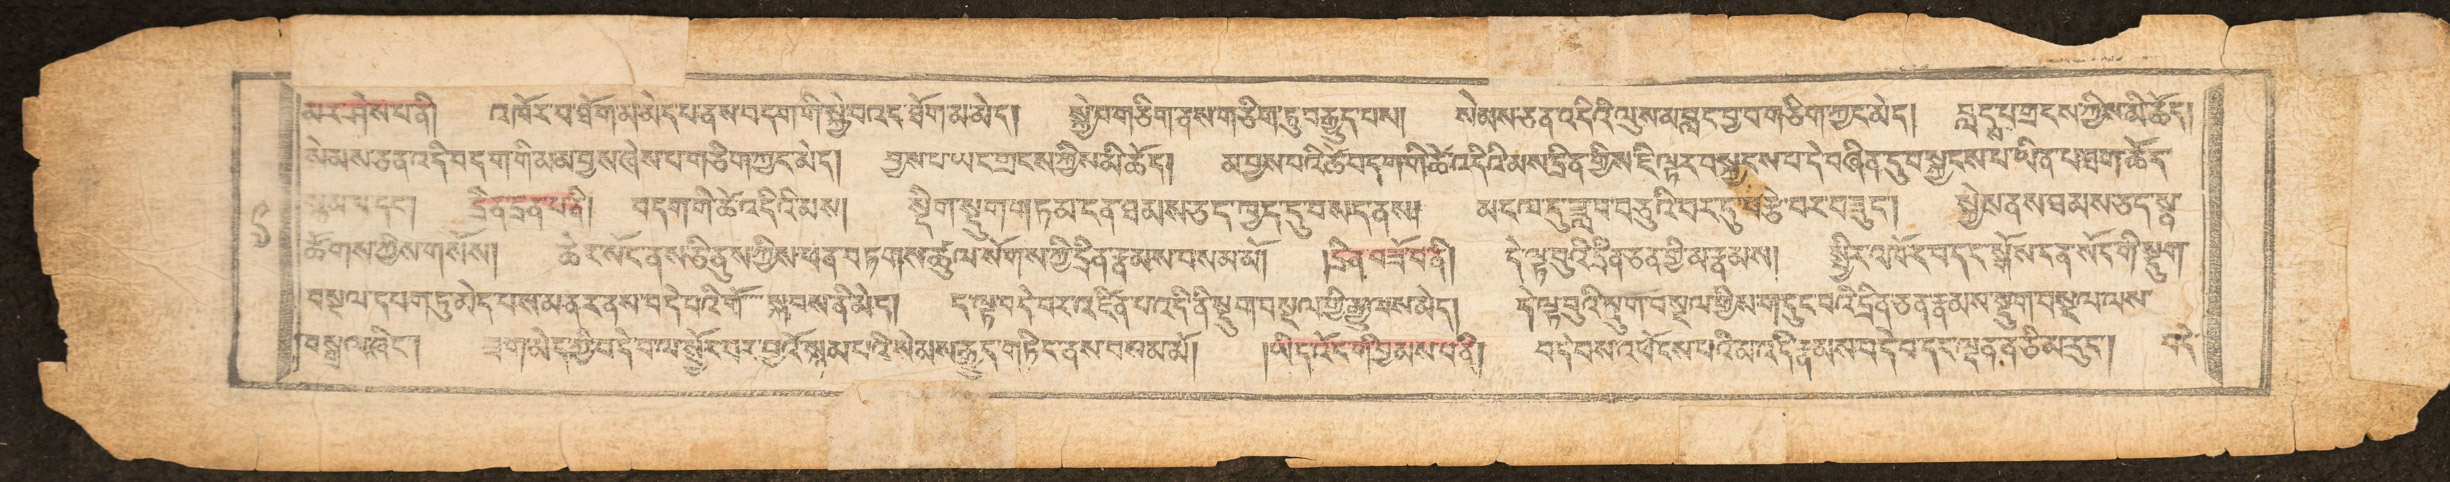མར་ཤེས་པ་ནི། འཁོར་བ་ཐོག་མ་མེད་པ་ནས་བདག་གི་སྐྱེ་བའང་ཐོག་མ་མེད། སྐྱེ་བ་གཅིག་ནས་གཅིག་ཏུ་བརྒྱུད་པས། སེམས་ཅན་འདི་དེ་ལུས་མ་?་བྱ་བ་གཅིག་ཀྱང་མེད། བླངས་པ་གྲངས་ཀྱིས་མི་ཆོད།
སེམས་ཅན་འདི་བདག་གི་མ་མ་བྱས་ཞེས་པ་གཅིག་ཀྱང་མེད། བྱས་པ་ཡང་གྲངས་ཀྱིས་མི་ཆོད། མ་བྱས་པའི་ཚེ་བདག་གི་ཚེ་འདིའི་མས་དྲིན་གྱིས་ཇི་ལྟར་བསྐྱངས་པ་དེ་བཞིན་དུ་བསྐྱངས་པ་ཡིན་པ་ཐག་ཆོད་
སྙམ་པ་དང་། དྲིན་དྲན་པ་ནི། བདག་གི་ཚེ་འདིའི་མས། སྡིག་སྡུག་གཏམ་ངན་ཐམས་ཅད་ཁྱད་དུ་བསད་ནས། མངལ་དུ་ཟླ་བ་བཅུའི་བར་དུ་བརྩེ་བར་བཟུད། སྐྱེས་ནས་ཐམས་ཅད་སྣ་
ཚོགས་ཀྱིས་གསོས། ཆེར་སོང་ནས་ཅི་ནུས་ཀྱིས་ཕན་བཏགས་ཚུལ་སོགས་ཀྱི་དྲིན་རྣམས་བསམ་མོ། །དྲིན་བཟོ་བ་ནི། དེ་ལྟ་བུའི་དྲིན་ཅན་གྱི་མ་རྣམས། སྤྱིར་འཁོར་བ་དང་སྒོས་ངན་སོང་གི་སྡུག་
བསྔལ་དཔག་ཏུ་མེད་བསམ་ནར་ནས་བདེ་བའི་གོ་སྐབས་ནི་མེད། ད་ལྟ་བདེ་བར་འཛིན་པ་འདི་ནི་སྡུག་བསྔལ་གྱི་རྒྱུ་ལས་མེད། དེ་ལྟ་བུའི་སྡུག་བསྔལ་གྱིས་གདུང་བའི་དྲིན་ཅན་རྣམས་སྡུག་བསྔལ་ལས་
བསྒྲལ?་ཞིང་། ཟག་མེད་ཀྱི་བདེ་བ་ལ་སྦྱོར?་དང་བྱའོ་སྙམ་པའི་སེམས་རྒྱུད་གཏིང་ནས་བསམ་མོ། །ཡིད་འོང་གི་བྱམས་པ་ནི། བདེ་བས་འཕོངས་མ་འདི་རྣམས་བདེ་བ་དང་ལྡན་ན་ཅི་མ་རུང་། བདེ་